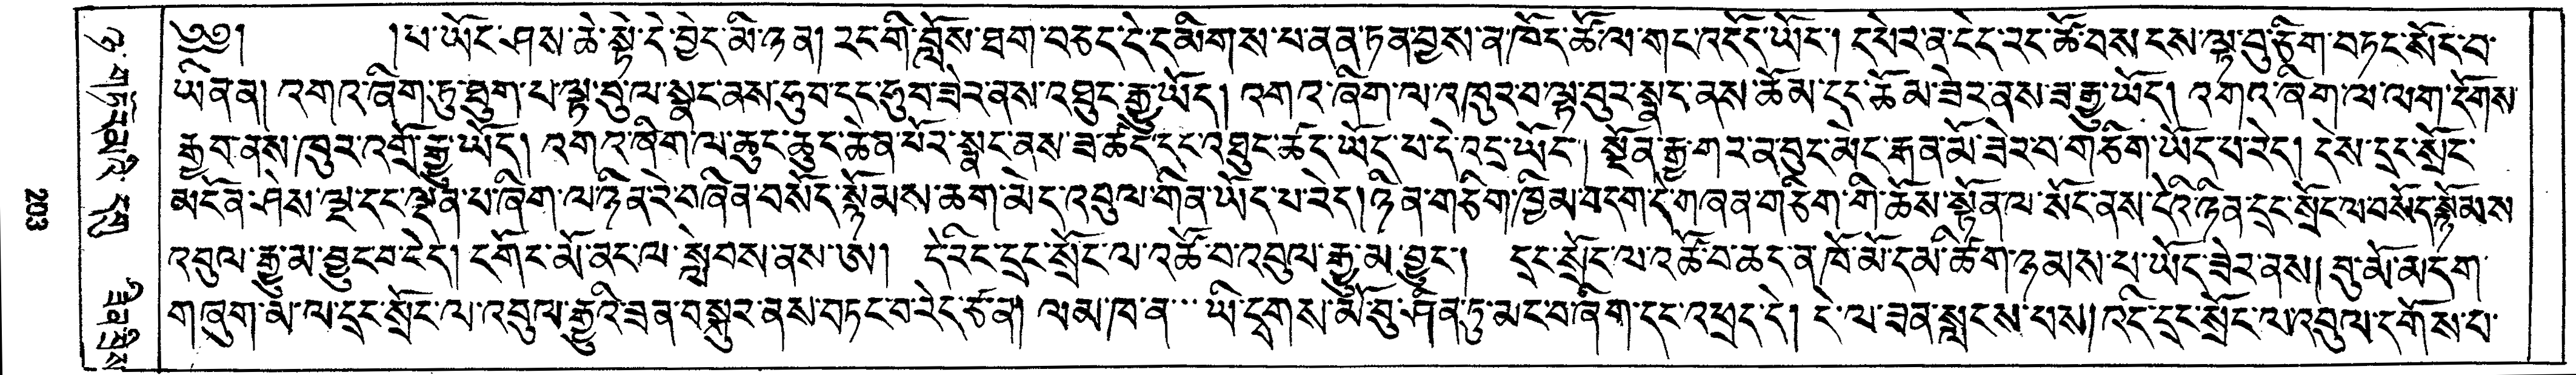༄༅། །པ་ཡོང་ཤས་ཆེ་སྟེ་དེ་བྱེད་མི་ཉན། རང་གི་བློས་ཐག་བཅད་དེ་དམིགས་པ་ནན་ཏན་བྱས་ན་ཁོང་ཚོ་ལ་གང་འདོད་ཡོང་། དཔེར་ན་ངེད་རང་ཚོ་བསངས་ལྟ་བུ་ཅིག་བཏང་སོང་བ་
ཡིན་ན། འགའ་ཞིག་ཏུ་ཐུག་པ་ལྟ་བུ་ལ་སྣང་ནས་ཧུབ་དང་ཧུབ་ཟེར་ནས་འཐུང་རྒྱུ་ཡོད། འགའ་ཞིག་ལ་འཁུར་བ་ལྟ་བུར་སྣང་ནས་ཆོམ་དང་ཆོམ་ཟེར་ནས་ཟ་རྒྱུ་ཡོང་། འགའ་ཞིག་ལ་ལག་དོགས་
རྒྱབ་ནས་ཁུར་འགྲོ་རྒྱུ་ཡོད། འགའ་ཞིག་ལ་ཆུང་ཆུང་ཆེན་པོར་སྣང་ནས་ཟ་ཚད་དང་འཐུང་ཚད་ཡོད་པ་དེ་འདྲ་ཡོང་། སྔོན་རྒྱ་གར་ན་བུད་མེད་རྒན་མོ་ཟེར་བ་གཅིག་ཡོད་པ་རེད། དེས་དྲང་སྲོང་
མངོན་ཤེས་ལྔ་དང་ལྡན་པ་ཞིག་ལ་ཉིན་རེ་བཞིན་བསོད་སྙོམས་ཆག་མེད་འབུལ་གིན་ཡོད་པ་རེད། ཉིན་གཅིག་ཁྱིམ་བདག་དེ་གཞན་གཅིག་གི་ཆོས་སྟོན་ལ་སོང་ནས་དེའི་ཉིན་དྲང་སྲོང་ལ་བསོད་སྙོམས་
འབུལ་རྒྱུ་མ་བྱུང་བ་རེད། དགོང་མོ་ནང་ལ་སླེབས་ནས་ཨ་ཁ་དེ་རིང་དྲང་སྲོང་ལ་འཚོ་བ་འབུལ་རྒྱུ་མ་བྱུང་། དྲང་སྲོང་ལ་འཚོ་བ་ཆད་ན་ཁོ་མོ་དམ་ཚིག་ཉམས་པ་ཡོད་ཟེར་ནས། བུ་མོ་མངག་
གཞུག་མ་ལ་དྲང་སྲོང་ལ་འབུལ་རྒྱུའི་ཟན་བསྐུར་ནས་བཏང་བ་རེད་ཙ་ན། ལམ་ཁན་ཡི་དྭགས་མོ་བུ་ཤིན་ཏུ་མང་བ་ཞིག་དང་འཕྲད་དེ། དེ་ལ་ཟན་སླངས་པས། འདི་དྲང་སྲོང་ལ་འབུལ་དགོས་པ་